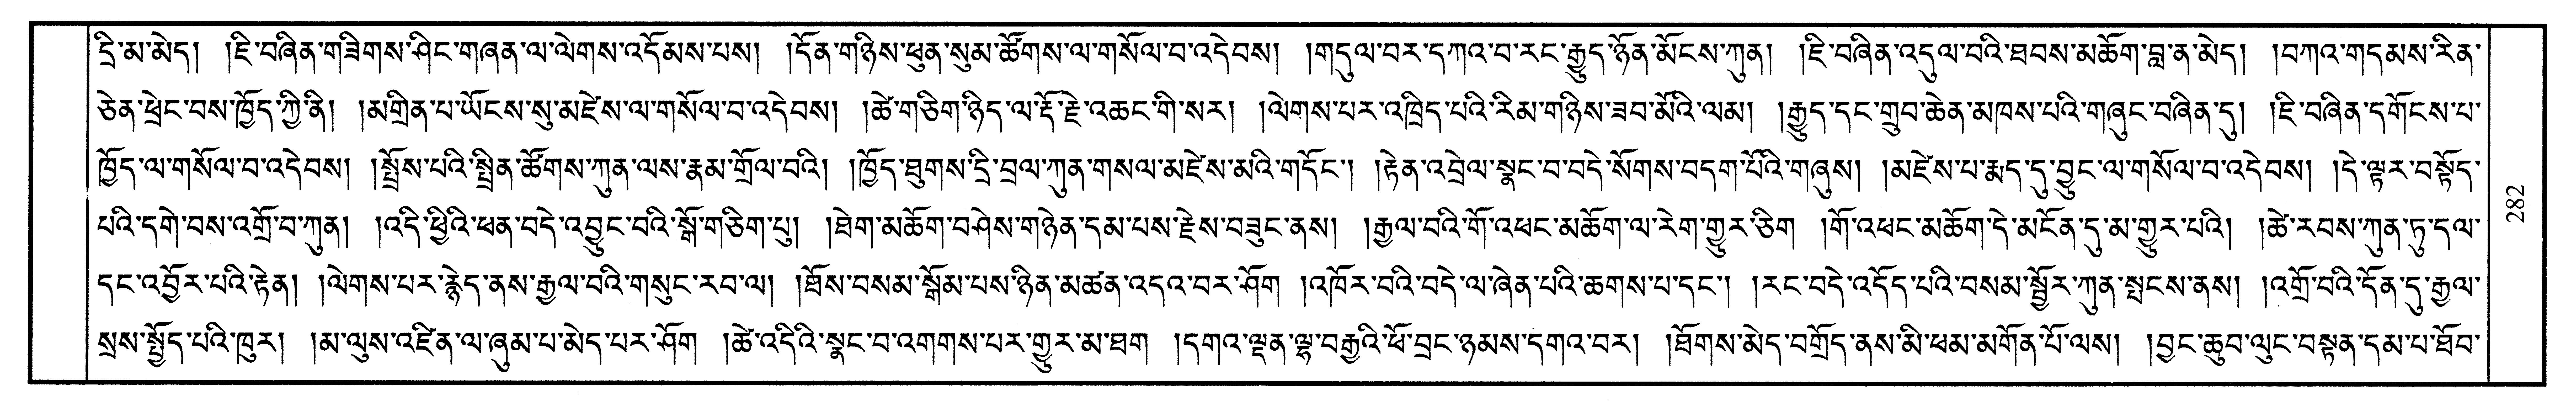དྲི་མ་མེད། །ཇི་བཞིན་གཟིགས་ཤིང་གཞན་ལ་ལེགས་འདོམས་པས། །དོན་གཉིས་ཕུན་སུམ་ཚོགས་ལ་གསོལ་བ་འདེབས། །གདུལ་བར་དཀའ་བ་རང་རྒྱུད་ཉོན་མོངས་ཀུན། །ཇི་བཞིན་འདུལ་བའི་ཐབས་མཆོག་བླ་ན་མེད། །བཀའ་གདམས་རིན་
ཅེན་ཕྲེང་བས་ཁྱོད་ཀྱི་ནི། །མགྲིན་པ་ཡོངས་སུ་མཛེས་ལ་གསོལ་བ་འདེབས། །ཚེ་གཅིག་ཉིད་ལ་རྡོ་རྗེ་འཆང་གི་སར། །ལེགས་པར་འཁྲིད་པའི་རིམ་གཉིས་ཟབ་མོའི་ལམ། །རྒྱུད་དང་གྲུབ་ཆེན་མཁས་པའི་གཞུང་བཞིན་དུ། །ཇི་བཞིན་དགོངས་པ་
ཁྱོད་ལ་གསོལ་བ་འདེབས། །སྤྲོས་པའི་སྤྲིན་ཚོགས་ཀུན་ལས་རྣམ་གྲོལ་བའི། །ཁྱོད་ཐུགས་དྲི་བྲལ་ཀུན་གསལ་མཛེས་མའི་གདོང་། །རྟེན་འབྲེལ་སྣང་བ་བདེ་སོགས་བདག་པོའི་གཞུས། །མཛེས་པ་རྨད་དུ་བྱུང་ལ་གསོལ་བ་འདེབས། །དེ་ལྟར་བསྟོད་
པའི་དགེ་བས་འགྲོ་བ་ཀུན། །འདི་ཕྱིའི་ཕན་བདེ་འབྱུང་བའི་སྒོ་གཅིག་པུ། །ཐེག་མཆོག་བཤེས་གཉེན་དམ་པས་རྗེས་བཟུང་ནས། །རྒྱལ་བའི་གོ་འཕང་མཆོག་ལ་རེག་གྱུར་ཅིག །གོ་འཕང་མཆོག་དེ་མངོན་དུ་མ་གྱུར་པའི། །ཚེ་རབས་ཀུན་ཏུ་དལ་
དང་འབྱོར་པའི་རྟེན། །ལེགས་པར་རྙེད་ནས་རྒྱལ་བའི་གསུང་རབ་ལ། །ཐོས་བསམ་སྒོམ་པས་ཉིན་མཚན་འདའ་བར་ཤོག །འཁོར་བའི་བདེ་ལ་ཞེན་པའི་ཆགས་པ་དང་། །རང་བདེ་འདོད་པའི་བསམ་སྦྱོར་ཀུན་སྤངས་ནས། །འགྲོ་བའི་དོན་དུ་རྒྱལ་
སྲས་སྤྱོད་པའི་ཁུར། །མ་ལུས་འཛིན་ལ་ཞུམ་པ་མེད་པར་ཤོག །ཚེ་འདིའི་སྣང་བ་འགགས་པར་གྱུར་མ་ཐག །དགའ་ལྡན་ལྷ་བརྒྱའི་ཕོ་བྲང་ཉམས་དགའ་བར། །ཐོགས་མེད་བགྲོད་ནས་མི་ཕམ་མགོན་པོ་ལས། །བྱང་ཆུབ་ལུང་བསྟན་དམ་པ་ཐོབ་